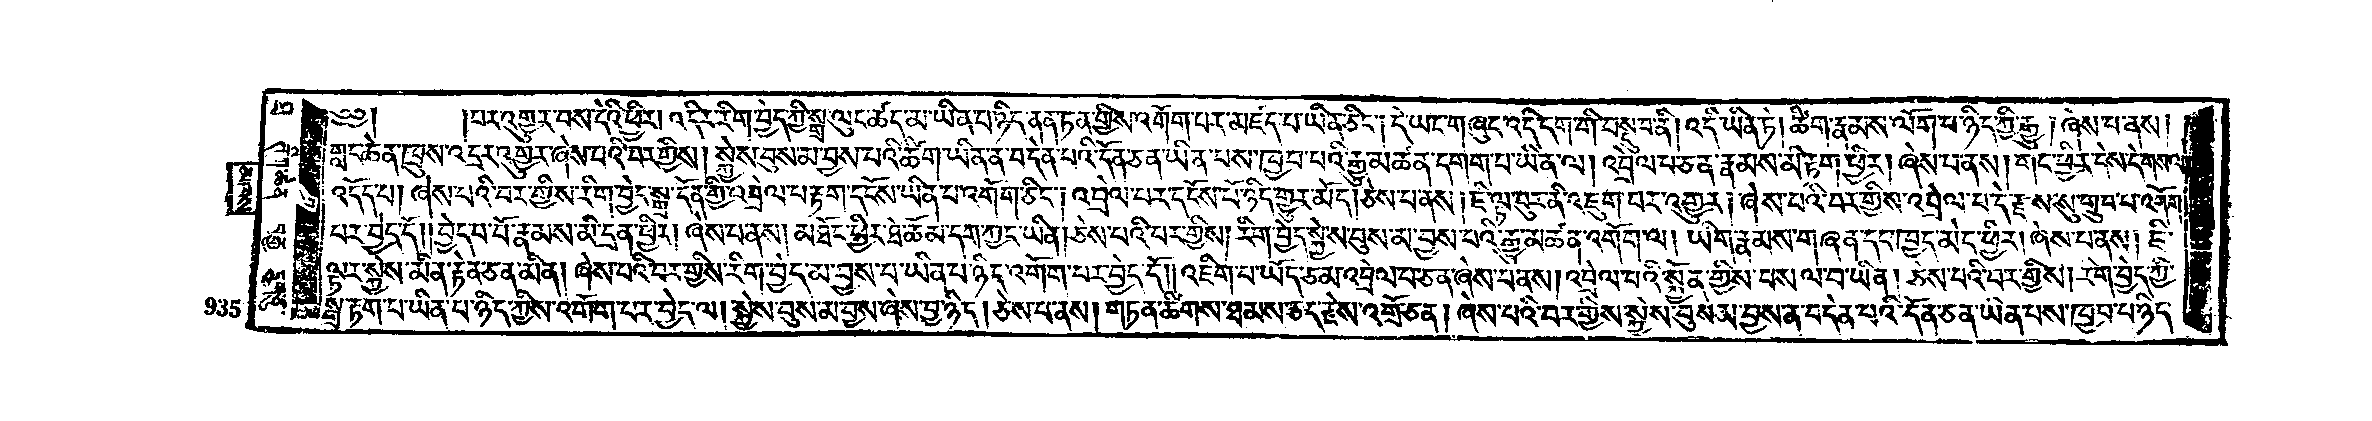༄༅། །པར་འགྱུར་བས་དེའི་ཕྱིར། འདིར་རིག་བྱེད་ཀྱི་སྒྲ་ལུང་ཚད་མ་ཡིན་པ་ཉིད་ནན་ཏན་གྱིས་འགོག་པར་མཛད་པ་ཡིན་ཅིང་། དེ་ཡང་གཞུང་འདི་དག་གི་བསྡུ་བ་ནི། འདི་ཡིན་ཏེ། ཚིག་རྣམས་ལོག་པ་ཉིད་ཀྱི་རྒྱུ། ཞེས་པ་ནས།
གླང་ཆེན་ཁྲུས་འདྲར་འགྱུར་ཞེས་པའི་བར་གྱིས། སྐྱེས་བུས་མ་བྱས་པའི་ཚིག་ཡིན་ན་བདེན་པའི་དོན་ཅན་ཡིན་པས་ཁྱབ་པའི་རྒྱུ་མཚན་དགག་པ་ཡིན་ལ། འབྲེལ་པ་ཅན་རྣམས་མི་རྟག་ཕྱིར། ཞེས་པ་ནས། གང་ཕྱིར་དེས་དེ་གསལ་
འདོད་པ། ཞེས་པའི་བར་གྱིས་རིག་བྱེད་སྒྲ་དོན་གྱི་འབྲེལ་པ་རྟག་དངོས་ཡིན་པ་འགོག་ཅིང་། འབྲེལ་པར་དངོས་པོ་ཉིད་གྱུར་མོད། ཅེས་པ་ནས། ཇི་ལྟ་བུར་ནི་འཇུག་པར་འགྱུར། ཞེས་པའི་བར་གྱིས་འབྲེལ་པ་དེ་རྫས་སུ་གྲུབ་པ་འགོག་
པར་བྱེད་དོ། །བྱེད་པ་པོ་རྣམས་མི་དྲན་ཕྱིར། ཞེས་པ་ནས། མཐོང་ཕྱིར་ཐེ་ཚོམ་དག་ཀྱང་ཡིན། ཅེས་པའི་བར་གྱིས། རིག་བྱེད་སྐྱེས་བུས་མ་བྱས་པའི་རྒྱུ་མཚན་འགོག་ལ། ཡིག་རྣམས་གཞན་དང་ཁྱད་མེད་ཕྱིར། ཞེས་པ་ནས། ཇི་
ལྟར་སྐྱེས་མིན་རྟེན་ཅན་མིན། ཞེས་པའི་བར་གྱིས་རིག་བྱེད་མ་བྱས་པ་ཡིན་པ་ཉིད་འགོག་པར་བྱེད་དོ། །འཇིག་པ་ཡོད་ཙམ་འབྲེལ་བ་ཅན་ཞེས་པ་ནས། འབྲེལ་པའི་སྐྱོན་གྱིས་བསལ་བ་ཡིན། ཅེས་པའི་བར་གྱིས། རིག་བྱེད་ཀྱི་
སྒྲ་རྟག་པ་ཡིན་པ་ཉིད་ཀྱིས་འགོག་པར་བྱེད་ལ། སྐྱེས་བུས་མ་བྱས་ཞེས་བྱ་ཉིད། ཅེས་པ་ནས། གཏན་ཚིགས་ཐམས་ཅད་རྗེས་འགྲོ་ཅན། ཞེས་པའི་བར་གྱིས་སྐྱེས་བུས་མ་བྱས་ན་བདེན་པའི་དོན་ཅན་ཡིན་པས་ཁྱབ་པ་ཉིད་